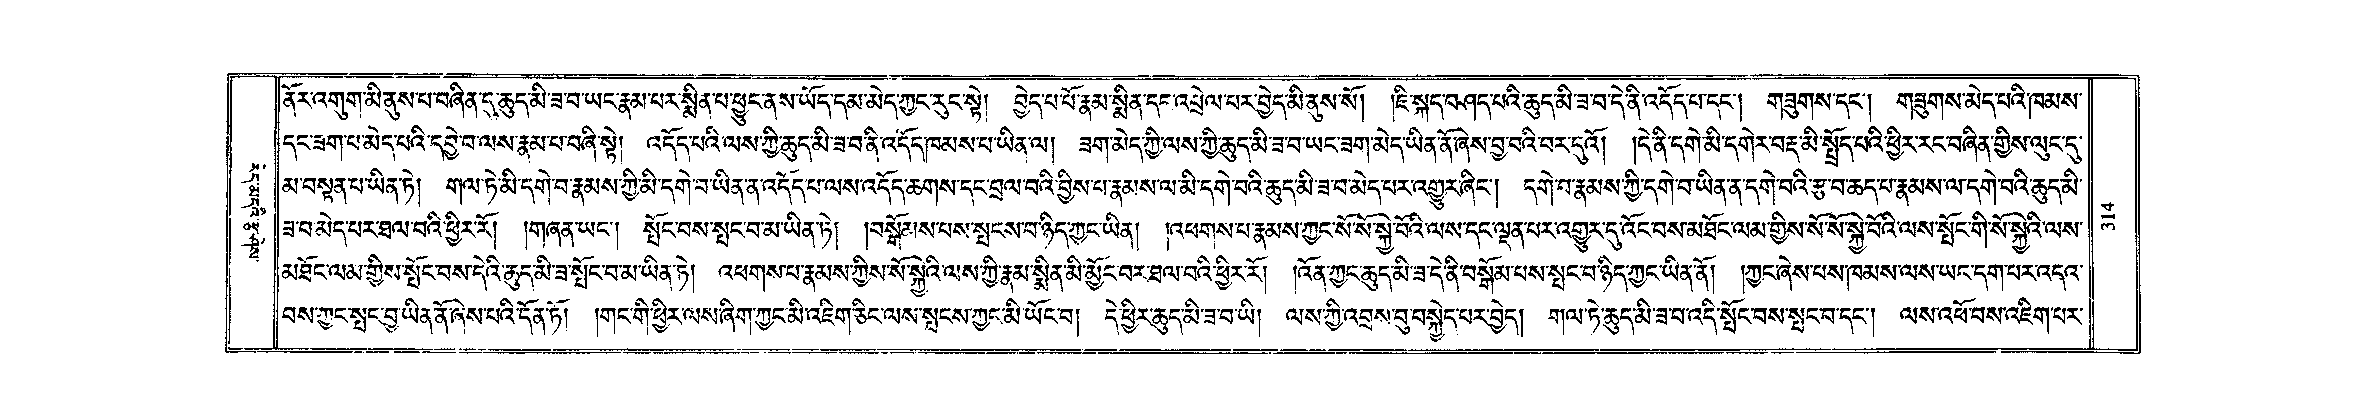ནོར་འགུག་མི་ནུས་པ་བཞིན་དུ་ཆུད་མི་ཟ་བ་ཡང་རྣམ་པར་སྨིན་པ་ཕྱུང་ནས་ཡོད་དམ་མེད་ཀྱང་རུང་སྟེ། བྱེད་པ་པོ་རྣམ་སྨིན་དང་འབྲེལ་བར་བྱེད་མི་ནུས་སོ། །ཇི་སྐད་བཤད་པའི་ཆུད་མི་ཟ་བ་དེ་ནི་འདོད་པ་དང་། གཟུགས་དང་། གཟུགས་མེད་པའི་ཁམས་
དང་ཟག་པ་མེད་པའི་དབྱེ་བ་ལས་རྣམ་པ་བཞི་སྟེ། འདོད་པའི་ལས་ཀྱི་ཆུད་མི་ཟ་བ་ནི་འདོད་ཁམས་པ་ཡིན་ལ། ཟག་མེད་ཀྱི་ལས་ཀྱི་ཆུད་མི་ཟ་བ་ཡང་ཟག་མེད་ཡིན་ནོ་ཞེས་བྱ་བའི་བར་དུའོ། །དེ་ནི་དགེ་མི་དགེར་བརྡ་མི་སྤྲོད་པའི་ཕྱིར་རང་བཞིན་གྱིས་ལུང་དུ་
མ་བསྟན་པ་ཡིན་ཏེ། གལ་ཏེ་མི་དགེ་བ་རྣམས་ཀྱི་མི་དགེ་བ་ཡིན་ན་འདོད་པ་ལས་འདོད་ཆགས་དང་བྲལ་བའི་བྱིས་པ་རྣམས་ལ་མི་དགེ་བའི་ཆུད་མི་ཟ་བ་མེད་པར་འགྱུར་ཞིང་། དགེ་བ་རྣམས་ཀྱི་དགེ་བ་ཡིན་ན་དགེ་བའི་རྩ་བ་ཆད་པ་རྣམས་ལ་དགེ་བའི་ཆུད་མི་
ཟ་བ་མེད་པར་ཐལ་བའི་ཕྱིར་རོ། །གཞན་ཡང་། སྤོང་བས་སྤང་བ་མ་ཡིན་ཏེ། །བསྒོམས་པས་སྤངས་པ་ཉིད་ཀྱང་ཡིན། །འཕགས་པ་རྣམས་ཀྱང་སོ་སོ་སྐྱེ་བོའི་ལས་དང་ལྡན་པར་འགྱུར་དུ་འོང་བས་མཐོང་ལམ་གྱིས་སོ་སོ་སྐྱེ་བོའི་ལས་སྤོང་གི་སོ་སྐྱེའི་ལས་
མཐོང་ལམ་གྱིས་སྤོང་བས་དེའི་ཆུད་མི་ཟ་སྤོང་བ་མ་ཡིན་ཏེ། འཕགས་པ་རྣམས་ཀྱིས་སོ་སྐྱེའི་ལས་ཀྱི་རྣམ་སྨིན་མི་མྱོང་བར་ཐལ་བའི་ཕྱིར་རོ། །འོན་ཀྱང་ཆུད་མི་ཟ་དེ་ནི་བསྒོམ་པས་སྤང་བ་ཉིད་ཀྱང་ཡིན་ནོ། །ཀྱང་ཞེས་པས་ཁམས་ལས་ཡང་དག་པར་འདའ་
བས་ཀྱང་སྤང་བྱ་ཡིན་ནོ་ཞེས་པའི་དོན་ཏོ། །གང་གི་ཕྱིར་ལས་ཞིག་ཀྱང་མི་འཇིག་ཅིང་ལས་སྤངས་ཀྱང་མི་ཡོང་བ། དེ་ཕྱིར་ཆུད་མི་ཟ་བ་ཡི། ལས་ཀྱི་འབྲས་བུ་བསྐྱེད་པར་བྱེད། གལ་ཏེ་ཆུད་མི་ཟ་བ་འདི་སྤོང་བས་སྤང་བ་དང་། ལས་འཕོ་བས་འཇིག་པར་